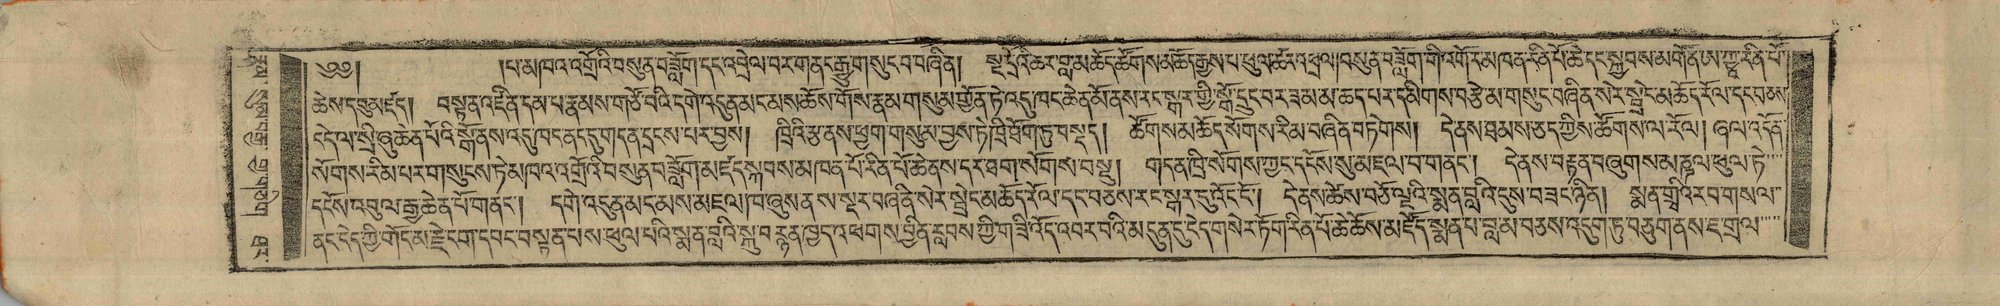༄༅། །པ་མཁའ་འགྲོའི་བསུན་བཟློག་དང་འབྲེལ་བར་གནང་རྒྱུ་གསུང་བ་བཞིན། སྔ་དྲོའི་ཆར་བླ་མཆོད་ཚོགས་མཆོད་རྒྱས་པ་ཕུལ་ཚར་འཕྲལ། བསུན་བཟློག་གི་འགོར་མཁན་རིན་པོ་ཆེ་དང་སྐྱབས་མགོན་ཨ་ཀྱཱ་རིན་པོ་
ཆེས་དབུ་མཛད། བསྟན་འཛིན་དམ་པ་རྣམས་གཙོ་བའི་དགེ་འདུན་མང་མས་ཆོས་གོས་རྣམ་གསུམ་གྱོན་ཏེ་འདུ་ཁང་ཆེན་མོ་ནས་རང་སྒར་གྱི་སྒོ་དྲུང་བར་ཟམ་མ་ཆད་པར་དམིགས་བརྩེ་མ་གསུང་བཞིན་སེར་སྦྲེང་མཆོད་རོལ་དང་བཅས་
ངེད་ལ་སྲི་ཞུ་ཆེན་པོའི་སྒོ་ནས་འདུ་ཁང་ནང་དུ་གདན་དྲངས་པར་བྱས། ཁྲིའི་རྩ་ནས་ཕྱག་གསུམ་བྱས་ཏེ་ཁྲི་ཐོག་ཏུ་བསྡད། ཚོགས་མཆོད་སོགས་རིམ་བཞིན་བཏེགས། དེ་ནས་ཐམས་ཅད་ཀྱིས་ཚོགས་ལ་རོལ། ཞལ་འདོན་
སོགས་རིམ་པར་གསུངས་ཏེ་མཁའ་འགྲོའི་བསུན་བཟློག་མཛད་སྐབས་མཁན་པོ་རིན་པོ་ཆེ་ནས་དར་ཐག་སོགས་བསྡུ། གདན་ཁྲི་སོགས་ཀྱང་དངོས་སུ་མཇལ་བ་གནང་། དེ་ནས་བརྟན་བཞུགས་མཎྜལ་ཕུལ་ཏེ་
དངོས་འབུལ་རྒྱ་ཆེན་པོ་གནང་། དགེ་འདུན་མང་མས་མཇལ་ཁ་ཞུས་ནས་སྔར་བཞིན་སེར་སྦྲེང་མཆོད་རོལ་དང་བཅས་རང་སྒར་དུ་འོང་ངོ། དེ་ནས་ཚེས་བཅོ་ལྔའི་སྨན་བླའི་དུས་བཟང་ཉིན། སྨན་གྲྭའི་རབ་གསལ་
ནང་ངེད་ཀྱི་གོང་མ་རྗེ་ངག་དབང་བསྟན་པས་ཕུལ་པའི་སྨན་བླའི་སྐུ་བརྙན་ཁྱད་འཕགས་བྱིན་རླབས་ཀྱི་གཟི་འོད་འབར་བའི་མདུན་དུ་ངེད་གསེར་ཏོག་རིན་པོ་ཆེ་ཆོས་མཛོད་སྨན་པ་བླ་མ་བཅས་འདུག་ཏུ་བཅུག་ནས་ཇ་གྲལ་